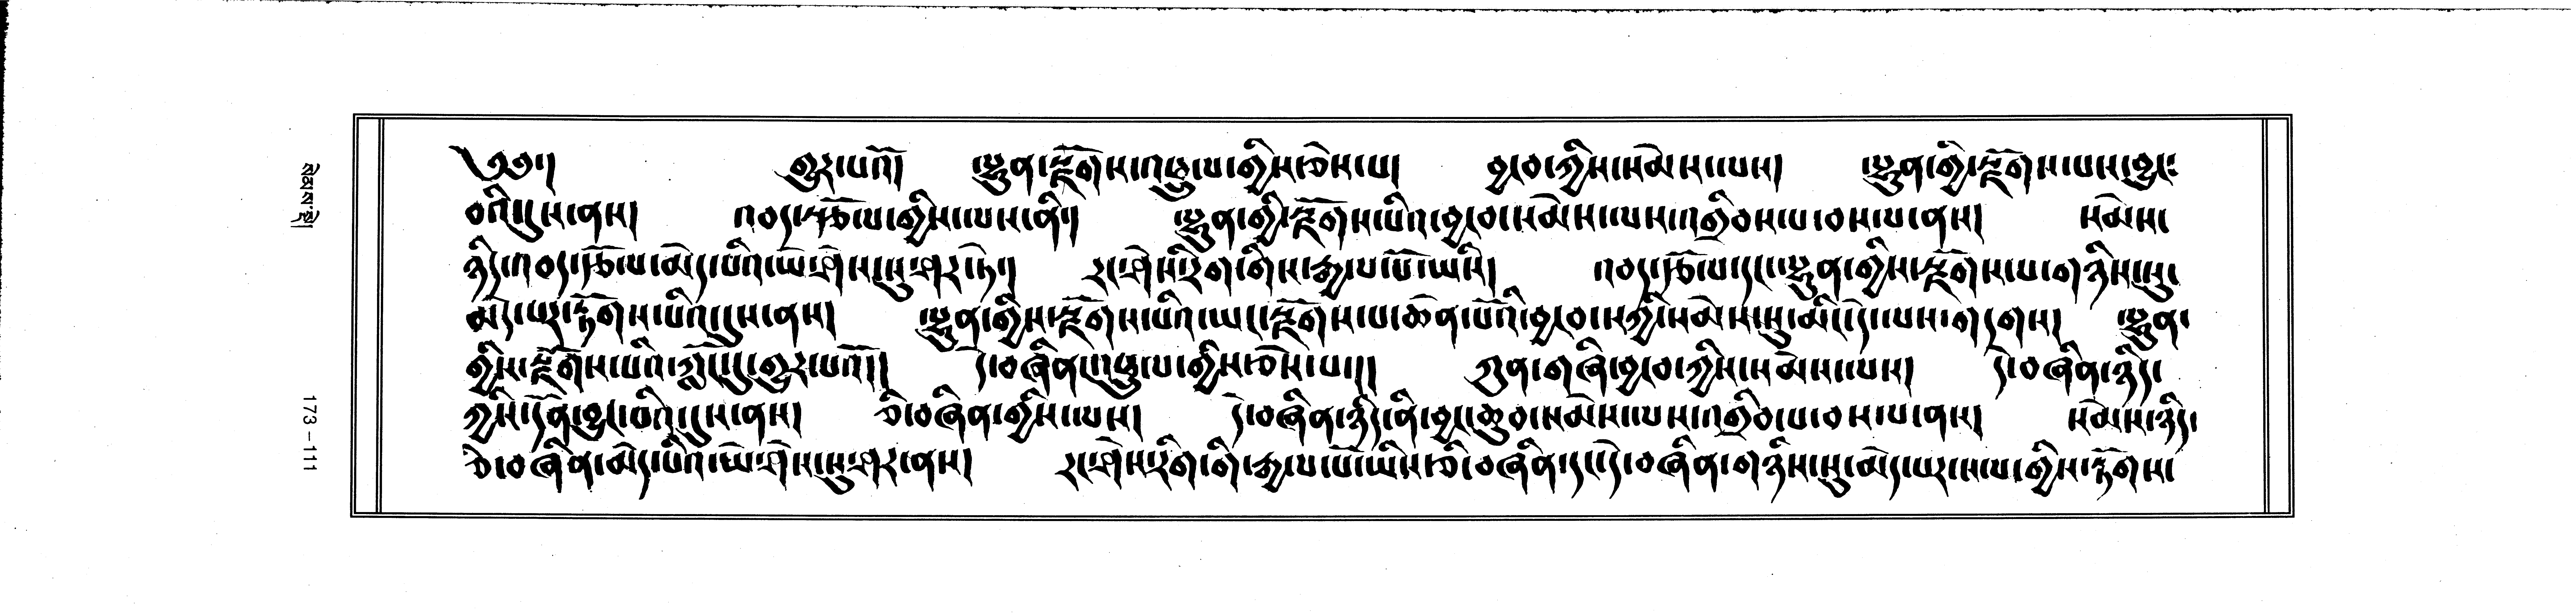གྱུར་པའོ། །ལྷུན་རྫོགས་འཕྲུལ་གྱིས་ཅེས་པས། ཀུན་གཞི་བྱང་ཆུབ་ཀྱི་སེམས་ལས། ལྷུན་གྱིས་རྫོགས་པ་བྱུང་
བའི་དུས་ན། འབད་རྩོལ་གྱི་ལས་ནི། ལྷུན་གྱིས་རྫོགས་པའི་བྱང་ཆུབ་སེམས་ལས་འགྲིབ་པ་བསལ་ནས། སེམས་
ཉིད་འབད་རྩོལ་མེད་པའི་ཡེ་ཤེས་སུ་ཤར་ཏེ། རང་ཤེས་རིག་གི་རྒྱལ་པོ་ཡིས་འབད་རྩོལ་དང་ལྷུན་གྱིས་རྫོགས་པ་གཉིས་སུ་
མེད་པར་༼སལ་གྱིས༽རྟོགས་པའི་དུས་ན། ལྷུན་གྱིས་རྫོགས་པའི་ཡང་རྫོགས་པ་ཆེན་པོའི་བྱང་ཆུབ་ཀྱི་སེམས་སུ་ཡང་མིང་དེ་ལ་གདགས། ལྷུན་
གྱིས་རྫོགས་པའི་ཀློང་དུ་གྱུར་པའོ། །དེ་བཞིན་འཕྲུལ་གྱིས་ཅེས་པས། ཀུན་གཞི་བྱང་ཆུབ་ཀྱི་སེམས་ལས། དེ་བཞིན་ཉིད་
ཀྱི་དོན་བྱུང་བའི་དུས་ན། ཅི་བཞིན་གྱི་ལས་དེ་བཞིན་ཉིད་ནི་བྱང་ཆུབ་སེམས་ལས་འགྲིབ་པ་བསལ་ནས། སེམས་ཉིད་
ཅི་བཞིན་མེད་པའི་ཡེ་ཤེས་སུ་ཤར་ཏེ། རང་ཤེས་རིག་གི་རྒྱལ་པོ་ཡིས་ཅི་བཞིན་དང་དེ་བཞིན་གཉིས་སུ་མེད་པར་སལ་གྱིས་རྟོགས་